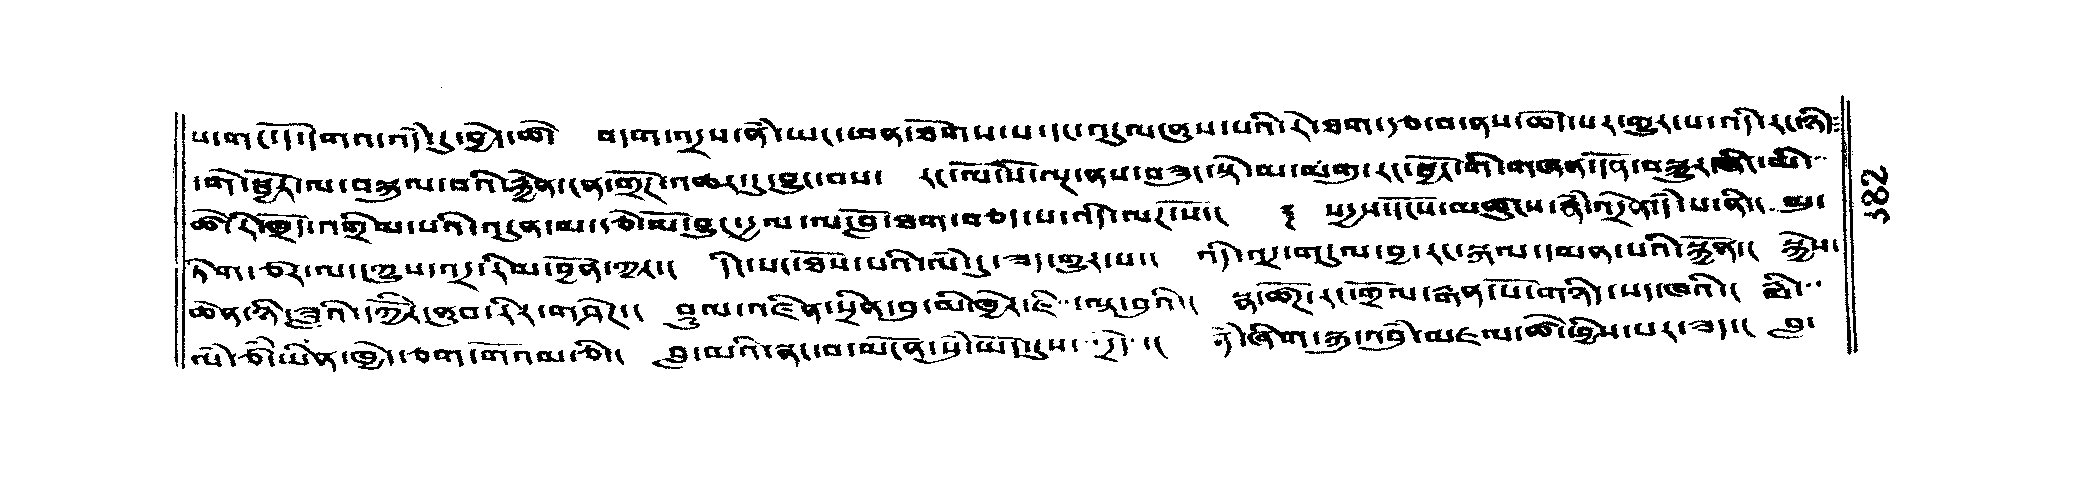པ་གང་དོ་དགའ་འདམ་དུ་བྱེད་ཚེ། བདག་འདྲས་ནམ་ཡང་ཕན་ཐོགས་པ་དང་འདུལ་ནུས་པའི་རེ་ཐག་རྩ་བ་ནས་ཆོད་པར་གྱུར་པ་འདི་རང་ཉིད་
དགེ་སྦྱོར་ལ་བསྐུལ་བའི་རྐྱེན་ངན་གྲོགས་འཆར་དུ་བྱུང་བས། རང་ལོ་སོ་ལྔ་ནས་བཟུང་སྟེ་མ་མགུ་རང་གྱོང་གི་གཞན་དོན་བསྐྱུར་ཞིང་མི་
ཚེ་རི་ཁྲོད་འགྲིམ་པའི་འདུན་མ་རྩེ་མོ་བྱུང་རྒྱལ་ལ་བློ་ཐག་བཅད་པ་འདི་ལགས་སོ།། ༈ སངས་རྒྱས་དངོས་མཚུངས་རྣམ་འདྲེན་དམ་པ་ནི།མུ་
ཏིག་བསྟར་ལ་རྒྱུས་འདྲ་རིམ་བྱོན་ཀྱང་། །དེང་སང་ཐོས་པའི་ལམ་དུ་ཟད་གྱུར་པ། །འདི་འདྲ་གདུལ་བྱ་རང་སྐལ་དམན་པའི་སྐྱོན། །སྐྱེས་
ཆེན་ཉི་ཟླའི་དཀྱིལ་འཁོར་ནུབ་རིར་གཤེགས། །ཤུལ་འཛིན་སྲིན་བུ་མེ་ཁྱེར་ཇི་ལྟ་བུའི། །སྣ་ཚོགས་རང་གྲོལ་རྒན་པོ་གཉིད་སད་ཁའི། །རྨི་
ལམ་ཙམ་ཡིན་ཁྱེད་ཅག་གོའམ་ཅི། །བླ་མའི་སྣང་བ་མངོན་སུམ་ཡོད་དུས་དྲེད། །ནམ་ཞིག་སྐུ་འབུམ་མཇལ་ཚེ་ཕྱིས་པར་ཟད། །བླ་